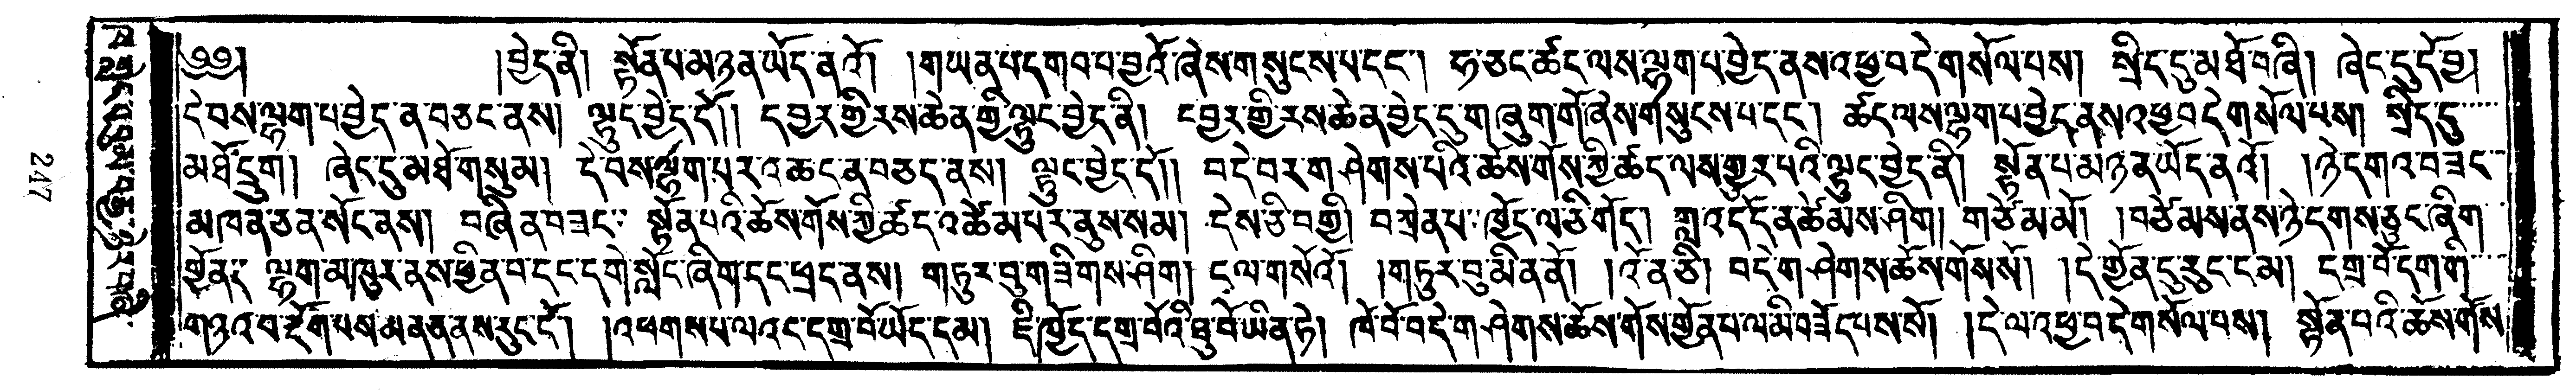༄༅། །བྱེད་ནི། སྟོན་པ་མཉན་ཡོད་ནའོ། །གཡན་པ་དགབ་པ་བྱའོ་ཞེས་གསུངས་པ་དང་། ཧ་ཅང་ཚང་ལས་ལྷག་པ་བྱེད་ནས་འཕྱ་བ་དེ་གསོལ་པས། སྲིད་དུ་མཐོ་བཞི། ཞེང་དུ་དོ་བྱ།
དེ་བས་ལྷག་པ་བྱེད་ན་བཅང་ནས། ལྟུང་བྱེད་དོ། །དབྱར་གྱི་རས་ཆེན་གྱི་ལྟུང་བྱེད་ནི། དབྱར་གྱི་རས་ཆེན་བྱེད་དུ་གཞུག་གོ་ཞེས་གསུངས་པ་དང་། ཚད་ལས་ལྷག་པ་བྱེད་ནས་འཕྱ་བ་དེ་གསོལ་པས། སྲིད་དུ་
མཐོ་དྲུག །ཞེང་དུ་མཐོ་གསུམ། དེ་བས་ལྷག་པར་འཆད་ན་བཅད་ནས། ལྟུང་བྱེད་དོ།། བདེ་བར་གཤེགས་པའི་ཆོས་གོས་ཀྱི་ཚད་ལས་གྱུར་པའི་ལྟུང་བྱེད་ནི། སྟོན་པ་མཉན་ཡོད་ནའོ། །ཉེ་དགའ་བཟང་
མཁན་ཅན་སོང་ནས། བཞིན་བཟང་སྟོན་པའི་ཆོས་གོས་ཀྱི་ཚད་འཚེམ་པར་ནུས་སམ། དེས་ཅི་བགྱི། བཀྲེན་པ་ཁྱོད་ལ་ཅི་གོད། གླ་འདོད་ན་ཚེམས་ཤིག། གཙེམ་མོ། །བཙེམས་ནས་ཉེ་དགས་ཅུང་ཞིག་
གྱོན༑ ལྷག་མ་ཁུར་ནས་ཕྱིན་པ་དང་དགེ་སློང་ཞིག་དང་ཕྲད་ནས། གཏུར་བུ་གཟིགས་ཤིག། ངལ་གསོའོ། །གཏུར་བུ་མིན་ནོ། །འོ་ན་ཅི། བདེ་གཤེགས་ཆོས་གོས་སོ། །དེ་གྱོན་དུ་རུང་ངམ། དགྲ་བོ་དག་གི་
གཉའ་བ་རྡོག་པས་མནན་ནས་རུང་ངོ། །འཕགས་པ་ལའང་དགྲ་བོ་ཡོད་དམ། ཇི་ཁྱོད་དགྲ་བོའི་ཐུ་བོ་ཡིན་ཏེ། ཁོ་བོ་བདེ་གཤེགས་ཆོས་གོས་གྱོན་པ་ལ་མི་བཟོད་པས་སོ། །དེ་ལ་འཕྱ་བ་དེ་གསོལ་པས། སྟོན་པའི་ཆོས་གོས་